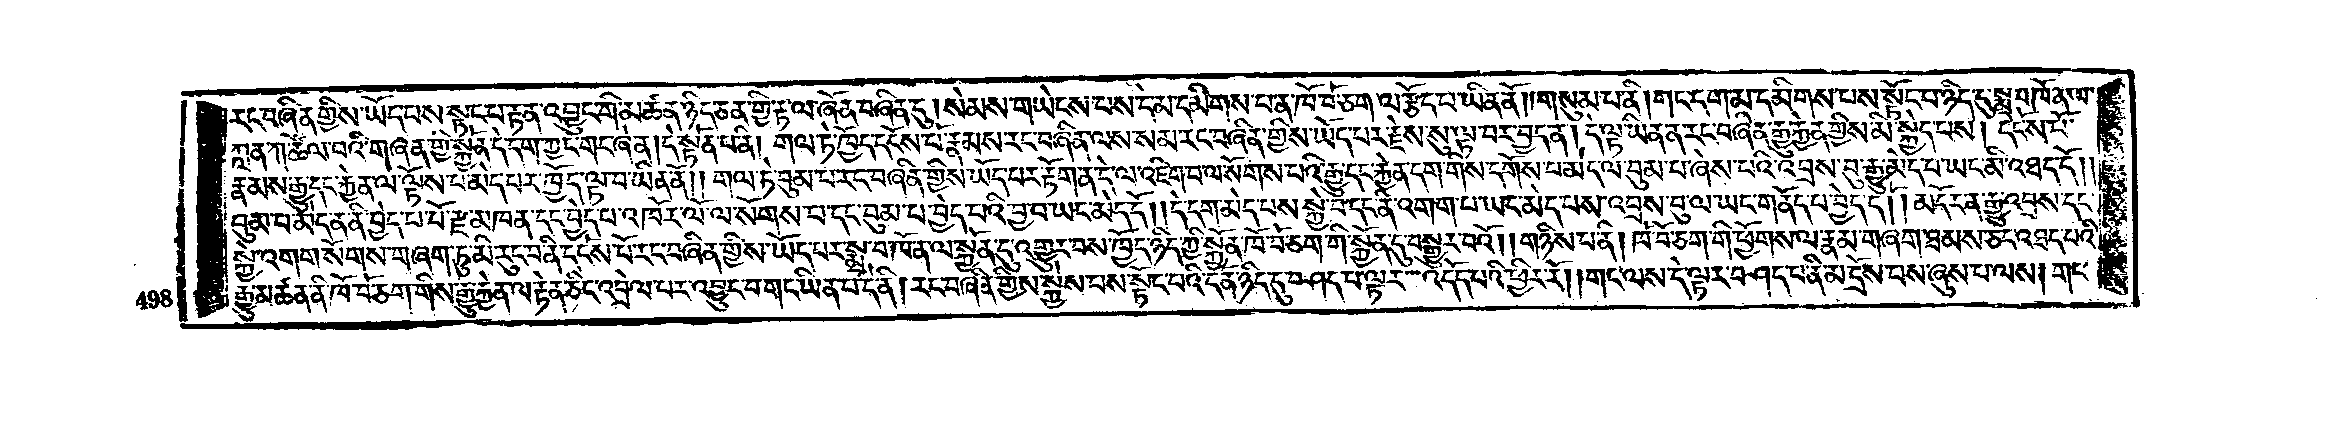དང་བཞིན་གྱིས་ཡོད་པས་སྟོང་པ་རྟེན་འབྱུང་གི་མཚན་ཉིད་ཅན་གྱི་རྟ་ལ་ཞོན་བཞིན་དུ། སེམས་གཡེངས་པས་དེ་མ་དམིགས་པ་ན་ཁོ་བོ་ཅག་ལ་རྩོད་པ་ཡིན་ནོ། །གསུམ་པ་ནི། གང་དག་མ་དམིགས་པས་སྟོང་པ་ཉིད་དུ་སྨྲ་བ་ཁོ་ན་ལ་
ཀླན་ཀ་ཚོལ་བའི་གཞན་གྱི་སྐྱོན་དེ་དག་ཀྱང་གང་ཞེ་ན། དེ་སྟོང་པ་ནི། གལ་ཏེ་ཁྱོད་དངོས་པོ་རྣམས་རང་བཞིན་ལས་སམ་རང་བཞིན་གྱིས་ཡོད་པར་རྗེས་སུ་ལྟ་བར་བྱེད་ན། དེ་ལྟ་ཡིན་ན་རང་བཞིན་རྒྱུ་རྐྱེན་གྱིས་མི་སྐྱེད་པས། དངོས་པོ་
རྣམས་རྒྱུ་དང་རྐྱེན་ལ་ལྟོས་པ་མེ་དཔར་ཁྱོད་ལྟ་བ་ཡིན་ནོ། །གལ་ཏེ་བུམ་པ་རང་བཞིན་གྱིས་ཡོད་པར་རྟོག་ན་དེ་ལ་འཇིག་པ་ལ་སོགས་པའི་རྒྱུ་དང་རྐྱེན་དག་གིས་དགོས་པ་མེད་ལ་བུམ་པ་ཞེས་པའི་འབྲས་བུ་རྒྱུ་མེད་པ་ཡང་མི་འཐད་དོ། །
བུམ་པ་མེད་ན་ནི་བྱེད་པ་པོ་རྫ་མཁན་དང་བྱེད་པ་འཁོར་ལོ་ལ་སོགས་པ་དང་བུམ་པ་བྱེད་པའི་བྱ་བ་ཡང་མེད་དེ། །དེ་དག་མེད་པས་སྐྱེ་བ་དང་ནི་འགག་པ་ཡང་མེད་པས་འབྲས་བུ་ལ་ཡང་གནོད་པ་བྱེད་དོ། །མདོར་ན་རྒྱུ་འབྲས་དང་
སྐྱེ་འགག་སོགས་གཞག་ཏུ་མི་རུང་བ་ནི་དངོས་པོ་རང་བཞིན་གྱིས་ཡོད་པར་སྨྲ་བ་ཁོ་ན་ལ་སྐྱོན་དུ་འགྱུར་བས་ཁྱོད་ཉིད་ཀྱིས་སྐྱོན་ཁོ་བོ་ཅག་གི་སྐྱོན་དུ་བསྒྱུར་པའོ། །གཉིས་པ་ནི། ཁོ་བོ་ཅག་གི་ཕྱོགས་ལ་རྣམ་གཞག་ཐམས་ཅད་འཐད་པའི་
རྒྱུ་མཚན་ནི་ཁོ་བོ་ཅག་གིས་རྒྱུ་རྐྱེན་ལ་རྟེན་ཅིང་འབྲེལ་པར་འབྱུང་བ་གང་ཡིན་པ་དེ་ནི། རང་བཞིན་གྱིས་སྐྱེས་པས་སྟོང་པའི་དོན་ཉིད་དུ་བཤད་པ་ལྟར་འདོད་པའི་ཕྱིར་རོ། །གང་ལས་དེ་ལྟར་བཤད་པ་ནི་མ་དྲོས་པས་ཞུས་པ་ལས། གང་